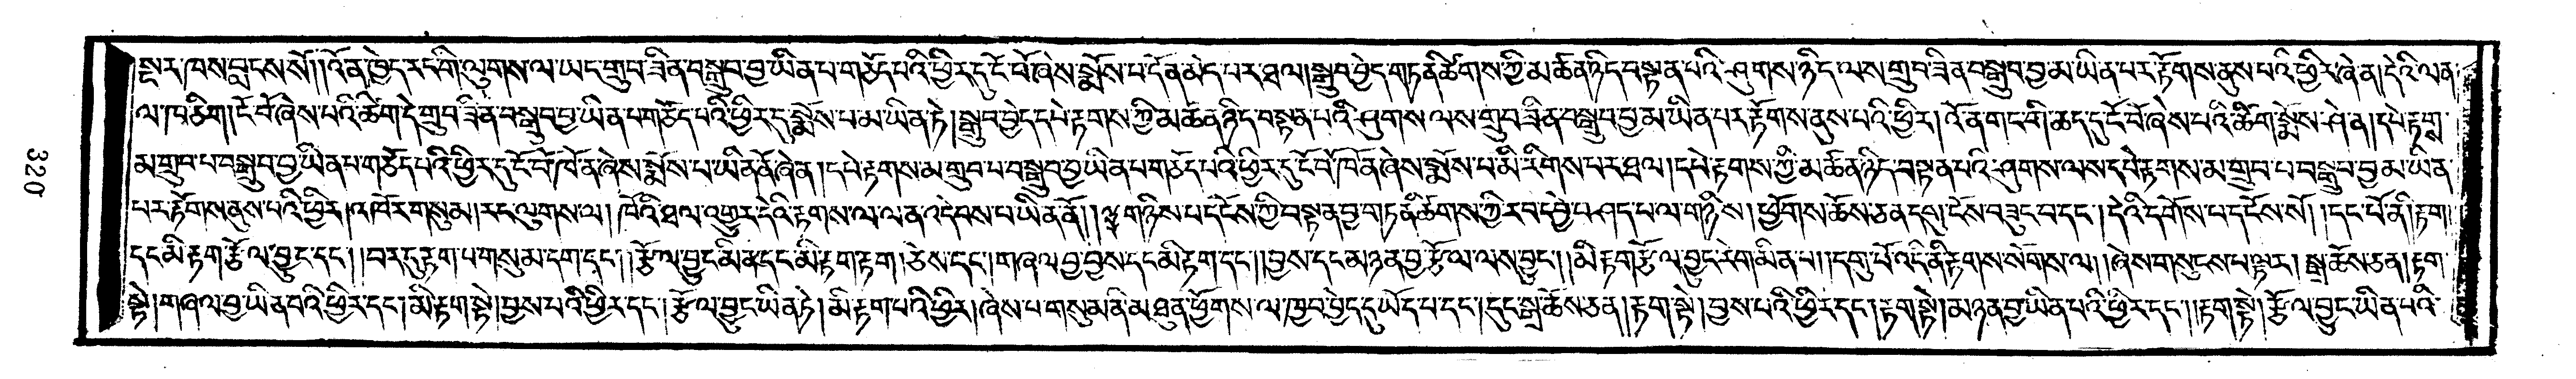སྔར་ཁས་བླངས་སོ། །འོ་ན་ཁྱེད་རང་གི་ལུགས་ལ་ཡང་གྲུབ་ཟིན་བསྒྲུབ་བྱ་ཡིན་པ་གཅད་པའི་ཕྱིར་དུ་ངོ་བོ་ཞེས་སྨོས་པ་དོན་མེད་པར་ཐལ། སྒྲུབ་བྱེད་གཏན་ཚིགས་ཀྱི་མཚན་ཉིད་བསྟན་པའི་ཤུགས་ཉིད་ལས་གྲུབ་ཟིན་བསྒྲུབ་བྱ་མ་ཡིན་པར་རྟོགས་ནུས་པའི་ཕྱིར་ཞེ་ན། དེའི་ལན་
ལ་ཁ་ཅིག །ངོ་བོ་ཞེས་པའི་ཚིག་དེ་གྲུབ་ཟིན་བསྒྲུབ་བྱ་ཡིན་པ་གཅད་པའི་ཕྱིར་དུ་སྨོས་པ་མ་ཡིན་ཏེ། སྒྲུབ་བྱེད་དཔེ་རྟགས་ཀྱི་མཚན་ཉིད་བསྟན་པའི་ཤུགས་ལས་གྲུབ་ཟིན་བསྒྲུབ་ཡ་མ་ཡིན་པར་རྟོགས་ནུས་པའི་ཕྱིར། འོ་ན་གང་གི་ཆེད་དུ་ངོ་བོ་ཞེས་པའི་ཆོག་སྨོས་ཤེ་ན། དཔེ་རྟགས་
མ་གྲུབ་པ་བསྒྲུབ་བྱ་ཡིན་པ་གཅད་པའི་ཕྱིར་དུ་ངོ་བོ་ཁོ་ན་ཞེས་སྨོས་པ་ཡིན་ནོ་ཞེ་ན། དཔེ་རྟགས་མ་གྲུབ་པ་བསྒྲུབ་བྱ་ཡིན་པ་གཅད་པའི་ཕྱིར་དུ་ངོ་བོ་ཁོ་ན་ཞེས་སྨོས་པ་མི་རིགས་པར་ཐལ། དཔེ་རྟགས་ཀྱི་མཚན་ཉིད་བསྟན་པའི་ཤུགས་ལས་དཔེ་རྟགས་མ་གྲུབ་པ་བསྒྲུབ་བྱ་མ་ཡིན་
པར་རྟོགས་ནུས་པའི་ཕྱིར། འཁོར་གསུམ། རང་ལུགས་ལ། ཁོའི་ཐལ་འགྱུར་དེའི་རྟགས་ལ་ལན་འདེབས་པ་ཡིན་ནོ། །༈ གཉིས་པ་དངོས་ཀྱི་བསྟན་བྱ་གཏན་ཚིགས་ཀྱི་རབ་དབྱེ་བཤད་པ་ལ་གཉིས། ཕྱོགས་ཆོས་ཅན་དགུ་ངོས་བཟུང་བ་དང་། དེའི་དགོས་པ་དངོས་སོ། །དང་པོ་ནི། རྟག་
དང་མི་རྟག་རྩོལ་བྱུང་དང་། །བར་དུ་རྟག་པ་གསུམ་དག་དང་། །རྩོལ་བྱུང་མིན་དང་མི་རྟག་རྟག །ཅེས་དང་། གཞལ་བྱ་བྱས་དང་མི་རྟག་དང་། །བྱས་དང་མཉན་བྱ་རྩོལ་ལས་བྱུང་། །མི་རྟག་རྩོལ་བྱུང་རེག་མིན་པ། །དགུ་པོ་འདི་ནི་རྟགས་སོགས་ལ། །ཞེས་གསུངས་པ་ལྟར། སྒྲ་ཆོས་ཅན། རྟག་
སྟེ། གཞལ་བྱ་ཡིན་པའི་ཕྱིར་དང་། མི་རྟག་སྟེ། བྱས་པའི་ཕྱིར་དང་། རྩོལ་བྱུང་ཡིན་ཏེ། མི་རྟག་པའི་ཕྱིར། ཞེས་པ་གསུམ་ནི་མཐུན་ཕྱོགས་ལ་ཁྱབ་བྱེད་དུ་ཡོད་པ་དང་། དུང་སྒྲ་ཆོས་ཅན། རྟག་སྟེ། བྱས་པའི་ཕྱིར་དང་། རྟག་སྟེ། མཉན་བྱ་ཡིན་པའི་ཕྱིར་དང་། རྟག་སྟེ། རྩོལ་བྱུང་ཡིན་པའི་